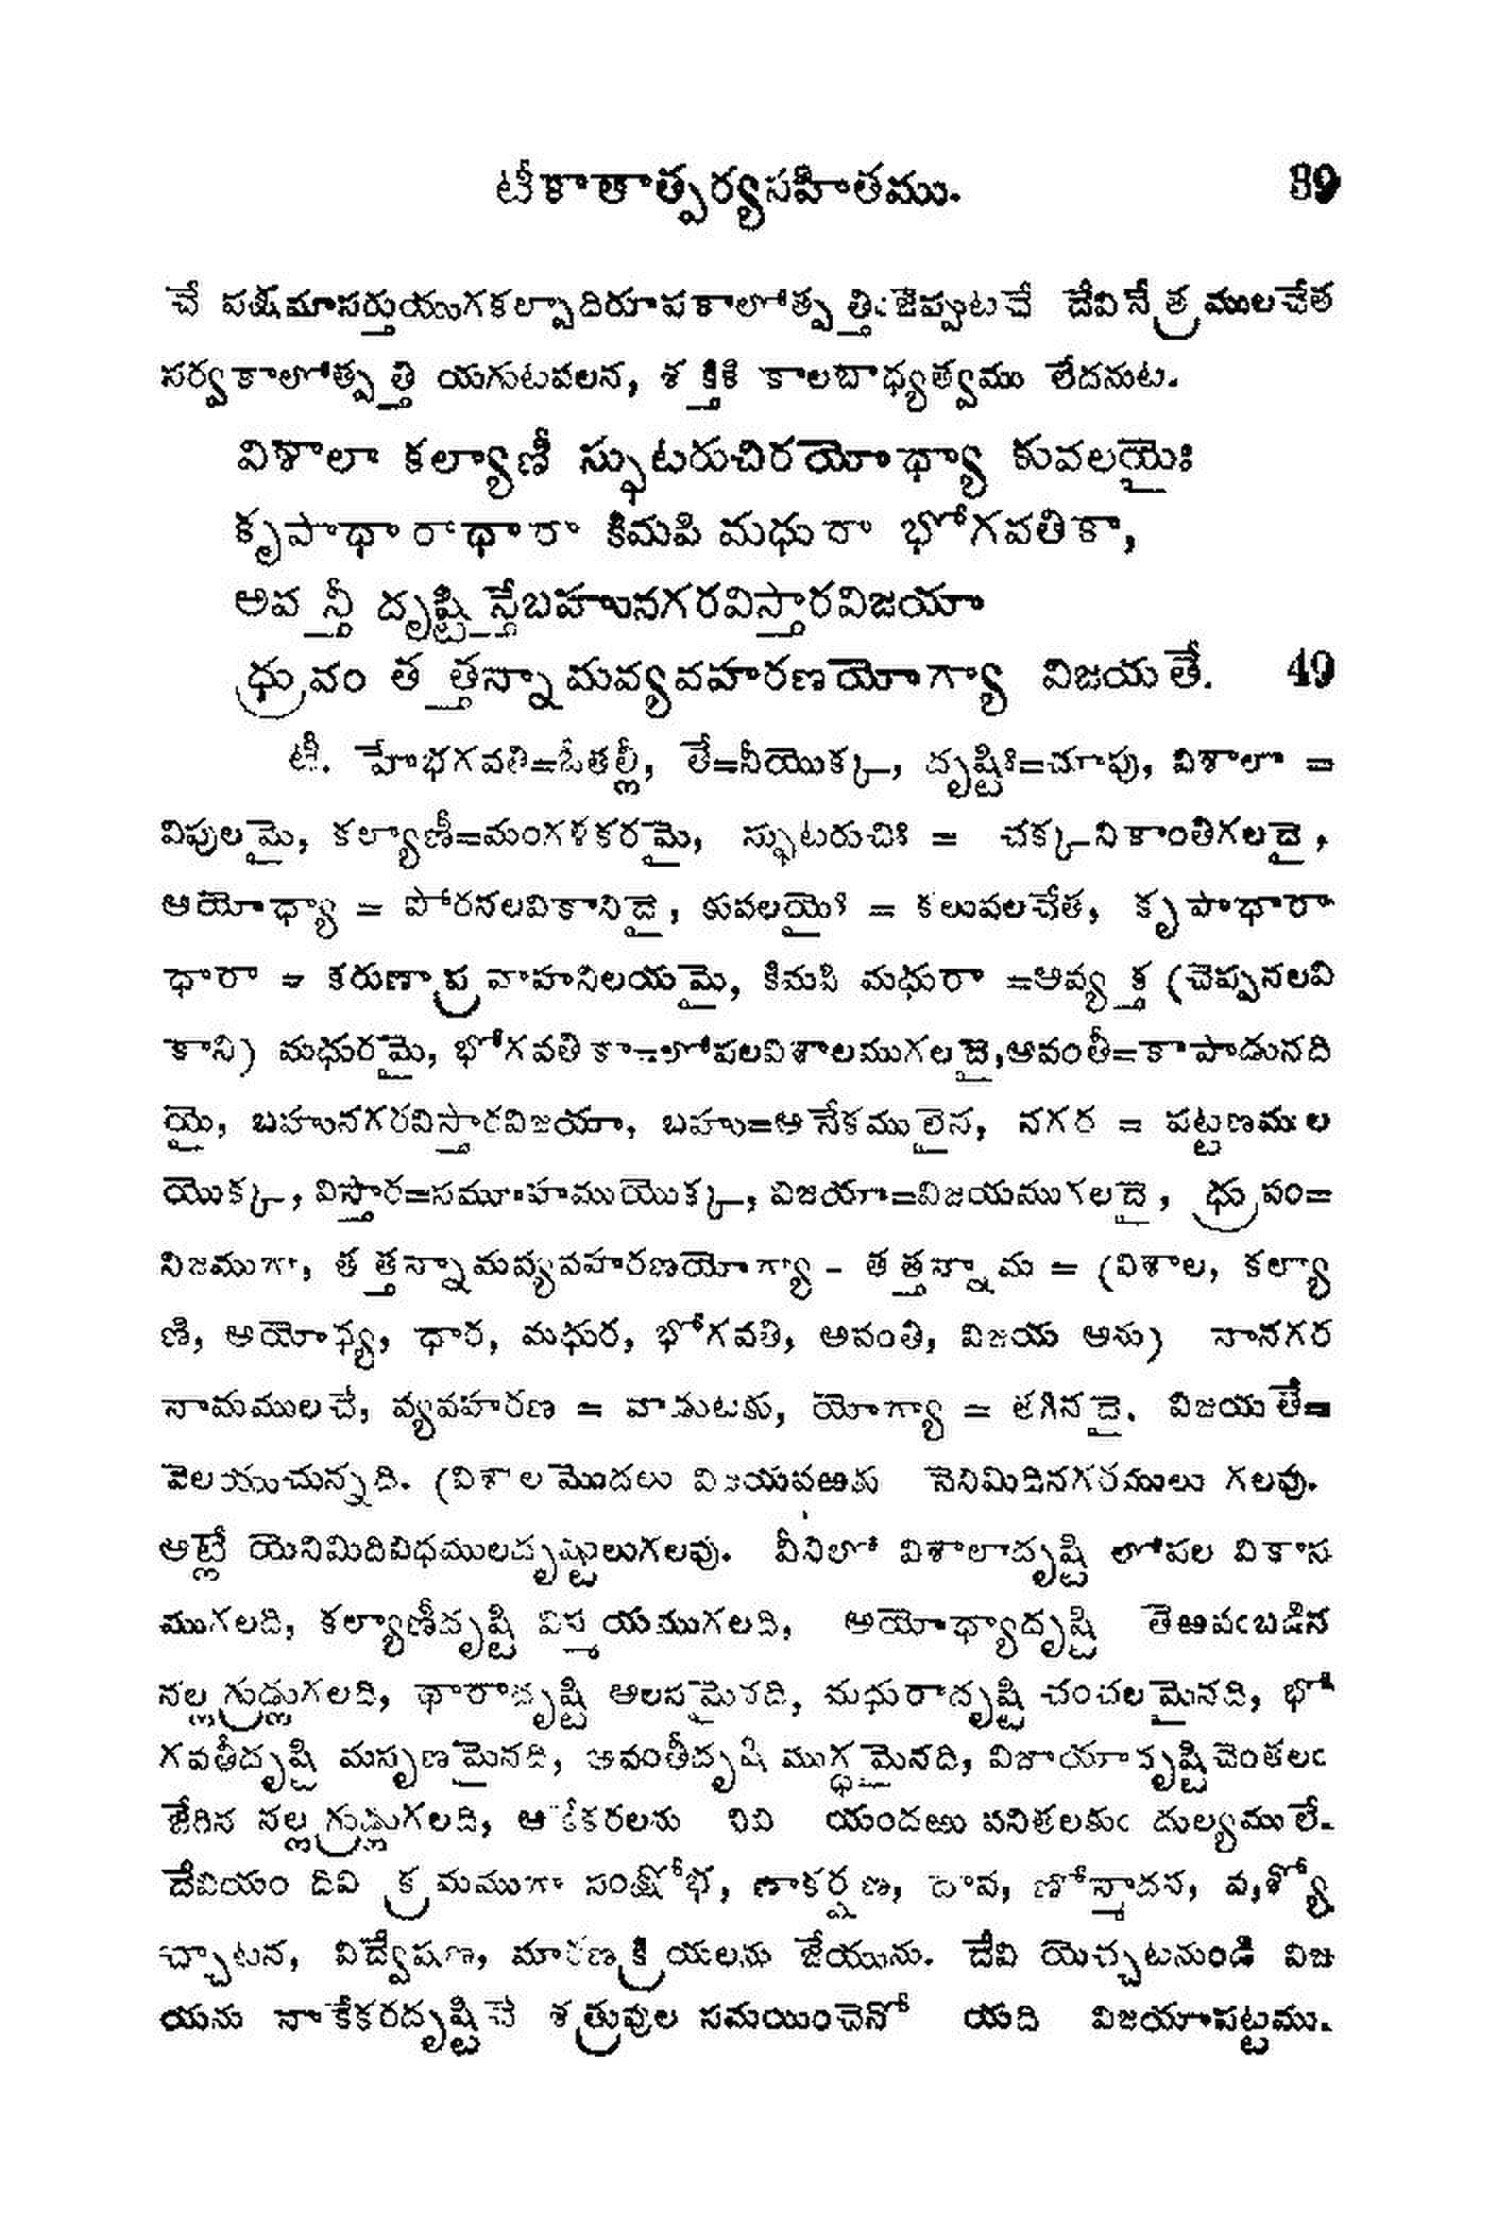చే పక్షమాసర్తుయుగకల్పాదిరూపకాలోత్పత్తిఁ జెప్పుటచే దేవినేత్రములచేత సర్వకాలోత్పత్తి యగుటవలన, శక్తికి కాలబాధ్యత్వము లేదనుట.

విశాలా కల్యాణీ స్ఫుటరుచిరయోధ్యా కువలయైః
కృపాధారాధారా కిమపి మధురా భోగవతికా,
అవన్తీ దృష్టిస్తేబహునగరవిస్తారవిజయా
ధ్రువం తత్తన్నామవ్యవహరణయోగ్యా విజయతే. 49
టీ. హేభగవతి = ఓతల్లీ, తే = నీయొక్క, దృష్టిః = చూపు, విశాలా = విపులమై, కల్యాణీ = మంగళకరమై, స్ఫుటరుచిః = చక్కనికాంతిగలదై, అయోధ్యా = పోరనలవికానిదై, కువలయైః = కలువలచేత, కృపాధారాధారా = కరుణాప్రవాహనిలయమై, కిమపి మధురా = అవ్యక్త (చెప్పనలవికాని) మధురమై, భోగవతికా = లోపలవిశాలముగలదై, అవంతీ = కాపాడునదియై, బహునగరవిస్తారవిజయా-బహు = అనేకములైన, నగర = పట్టణములయొక్క, విస్తార = సమూహముయొక్క, విజయా = విజయముగలదై, ధ్రువం = నిజముగా, తత్తన్నామవ్యవహరణయోగ్యా-తత్తన్నామ = (విశాల, కల్యాణి, అయోధ్య, ధార, మధుర, భోగవతి, అవంతి, విజయ అను) నానగర నామములచే, వ్యవహరణ = వాడుటకు, యోగ్యా = తగినదై, విజయతే = వెలయుచున్నది. (విశాలమొదలు విజయవఱకు నెనిమిదినగరములు గలవు. అట్లే యెనిమిదివిధములదృష్టులుగలవు. వీనిలో విశాలాదృష్టి లోపల వికాసముగలది, కల్యాణీదృష్టి విస్మయముగలది, అయోధ్యాదృష్టి తెఱవఁబడిన నల్లగ్రుడ్లుగలది, ధారాదృష్టి అలసమైనది, మధురాదృష్టి చంచలమైనది, భోగవతీదృష్టి మసృణమైనది, అవంతీదృష్టి ముగ్ధమైనది, విజయాదృష్టి చెంతలఁ జేరిన నల్లగ్రుడ్లుగలది, ఆకేకరలను నివి యందఱు వనితలకుఁఁ దుల్యములే. దేవియం దివి క్రమముగా సంక్షోభ, ణాకర్షణ, దావ, ణోన్మాదన, వ, శ్యోచ్చాటన, విద్వేషణ, మారణక్రియలను జేయును. దేవి యెచ్చటనుండి విజయను నాకేకరదృష్టిచే శత్రువుల సమయించెనో యది విజయాపట్టము.